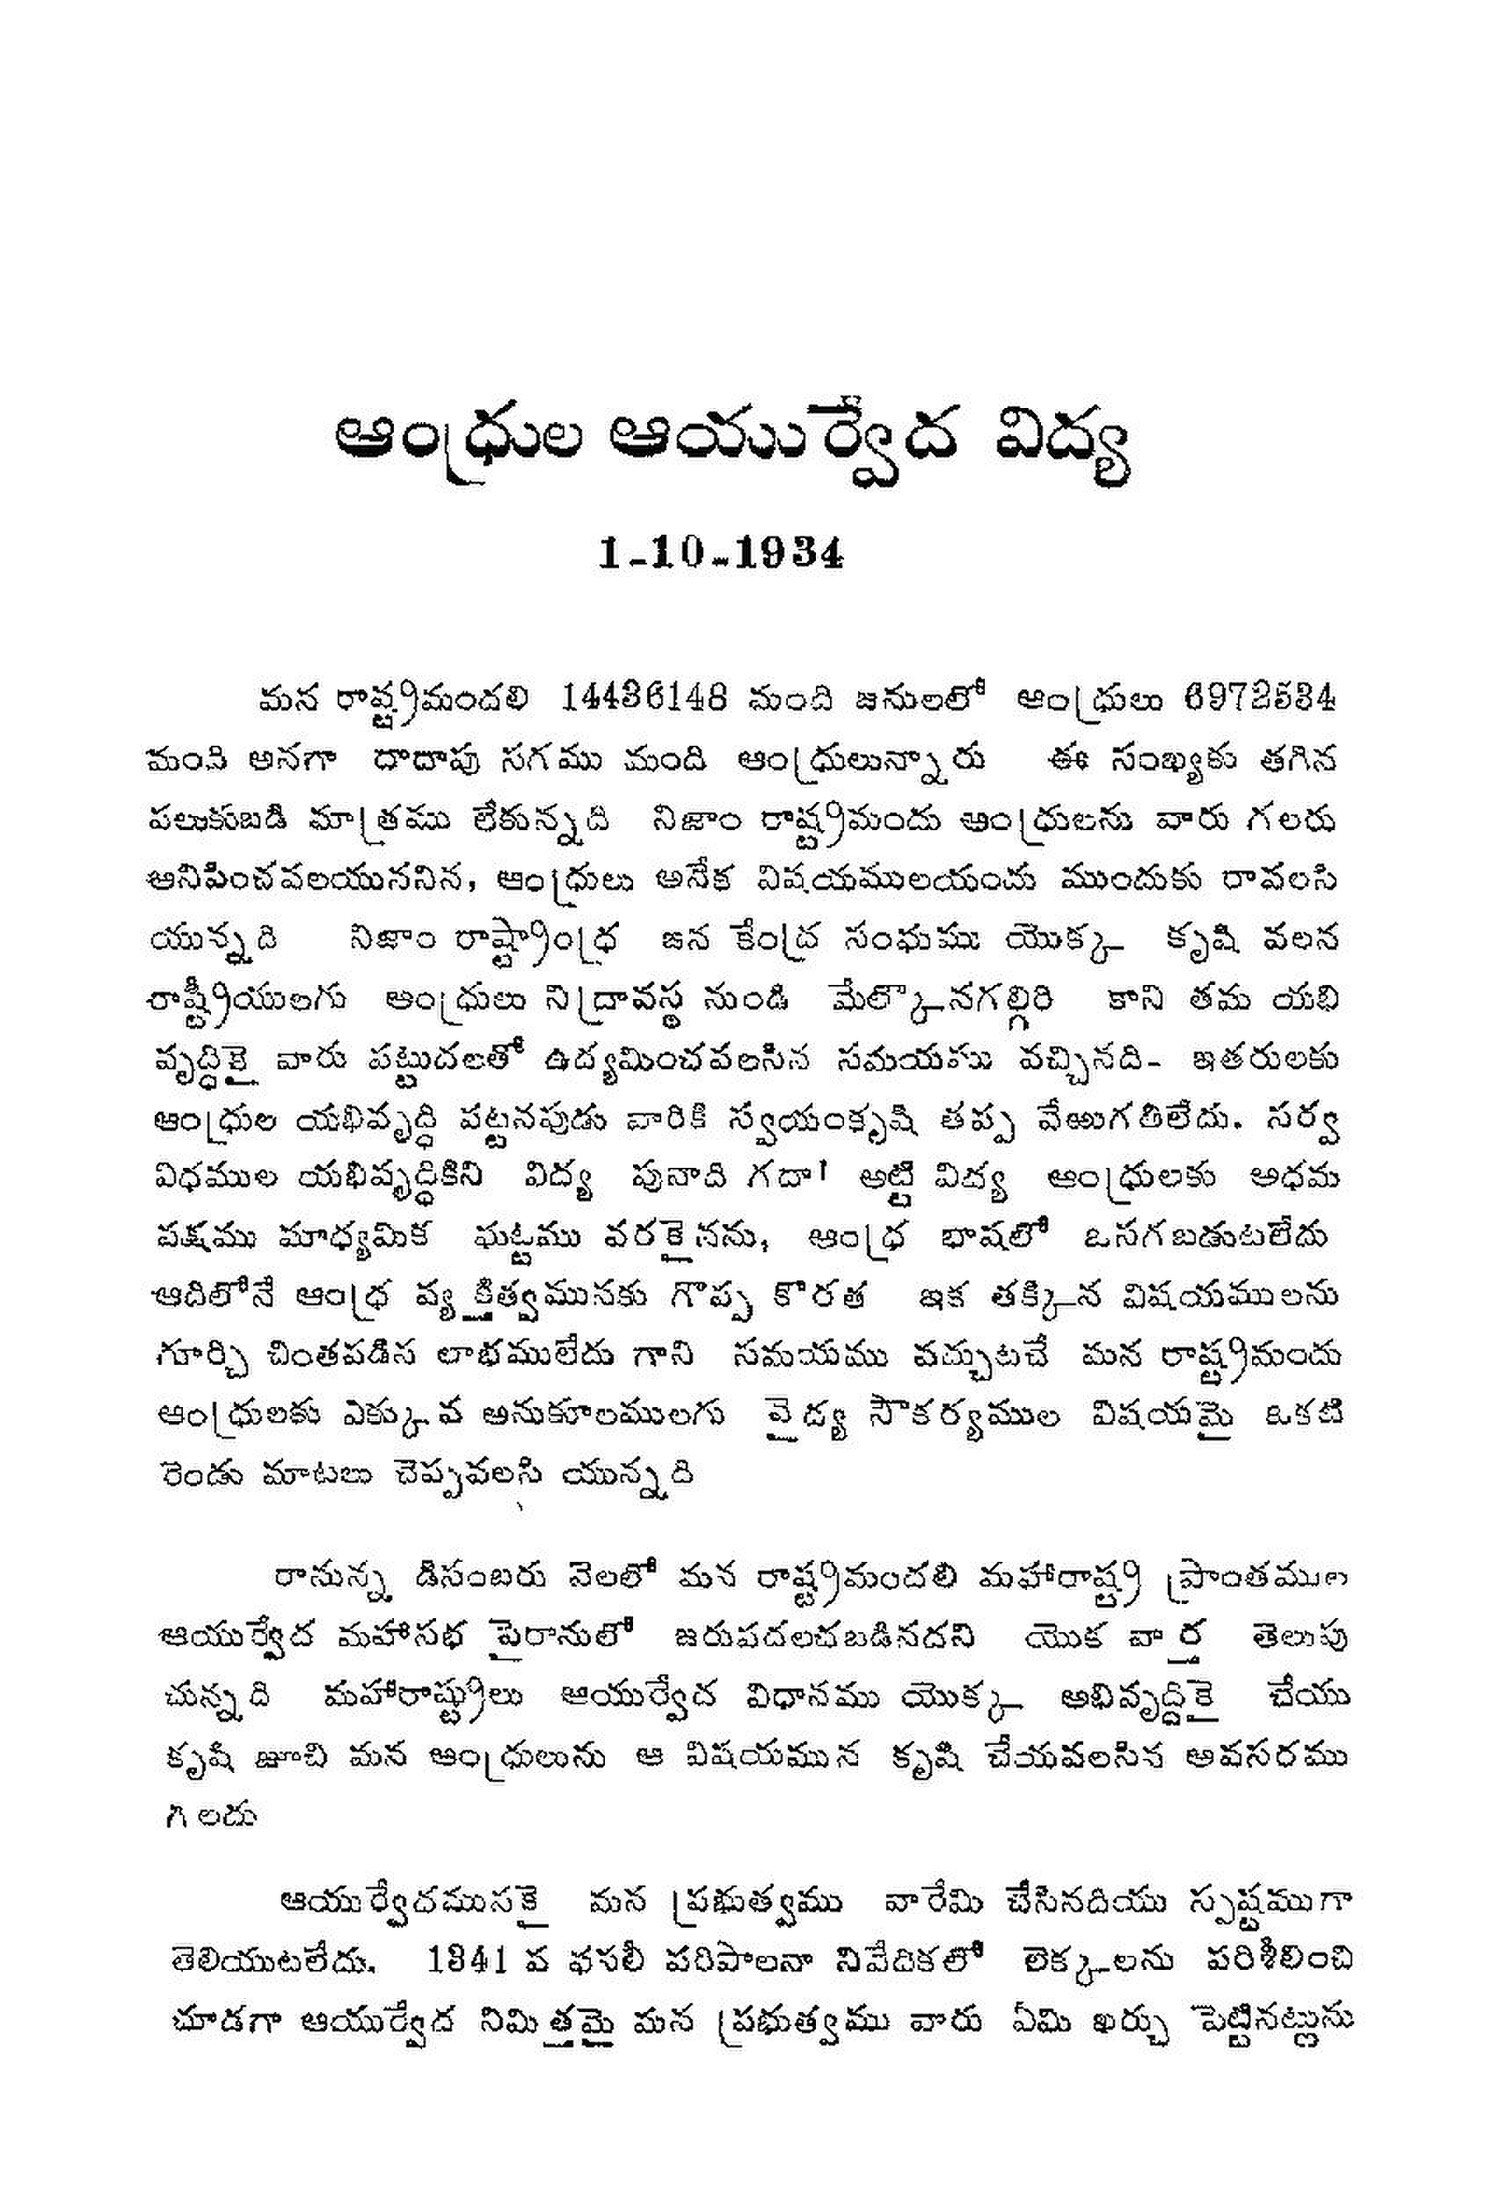ఆంధ్రుల ఆయుర్వేద విద్య

1 - 10 - 1934

మన రాష్ట్రమందలి 14436148 మంది జనులలో ఆంధ్రులు 6972534 మంది అనగా దాదాపు సగము మంది ఆంధ్రులున్నారు. ఈ సంఖ్యకు తగిన పలుకుబడి మాత్రము లేకున్నది నిజాం రాష్ట్రమందు ఆంధ్రులను వారు గలరు
అనిపించవలయుననిన, ఆంధ్రులు అనేక విషయములయందు ముందుకు రావలసి యున్నది నిజాం రాష్ట్రాంధ్ర జన కేంద్ర సంఘము యొక్క కృషి వలన రాష్ట్రీయులగు ఆంధ్రులు నిద్రావస్థ నుండి మేల్కొనగల్గిరి కాని తమ యభివృద్ధికై వారు పట్టుదలతో ఉద్యమించవలసిన సమయము వచ్చినది - ఇతరులకు ఆంధ్రుల యభివృద్ధి పట్టనపుడు వారికి స్వయంకృషి తప్ప వేఱుగతిలేదు. సర్వవిధముల యభివృద్ధికిని విద్య పునాది గదా! అట్టి విద్య ఆంధ్రులకు అధమపక్షము మాధ్యమిక ఘట్టము వరకైనను, ఆంధ్ర భాషలో ఒసగబడుటలేదు ఆదిలోనే ఆంధ్ర వ్యక్తిత్వమునకు గొప్ప కొరత ఇక తక్కిన విషయములను గూర్చి చింతపడిన లాభములేదు గాని సమయము వచ్చుటచే మన రాష్ట్రమందు ఆంధ్రులకు ఎక్కువ అనుకూలములగు వైద్య సౌకర్యముల విషయమై ఒకటి రెండు మాటలు చెప్పవలసి యున్నది

రానున్న డిసంబరు నెలలో మన రాష్ట్రమందలి మహారాష్ట్ర ప్రాంతముల ఆయుర్వేద మహాసభ పైరానులో జరుపదలచబడినదని యొక వార్త తెలుపుచున్నది మహారాష్ట్రులు ఆయుర్వేద విధానము యొక్క అభివృద్ధికై చేయు
కృషి జూచి మన ఆంధ్రులును ఆ విషయమున కృషి చేయవలసిన అవసరము గలదు

ఆయుర్వేదమునకై మన ప్రభుత్వము వారేమి చేసినదియు స్పష్టముగా తెలియుటలేదు. 1341 వ ఫసలీ పరిపాలనా నివేదికలో లెక్కలను పరిశీలించి చూడగా ఆయుర్వేద నిమిత్తమై మన ప్రభుత్వము వారు ఏమి ఖర్చు పెట్టినట్లును